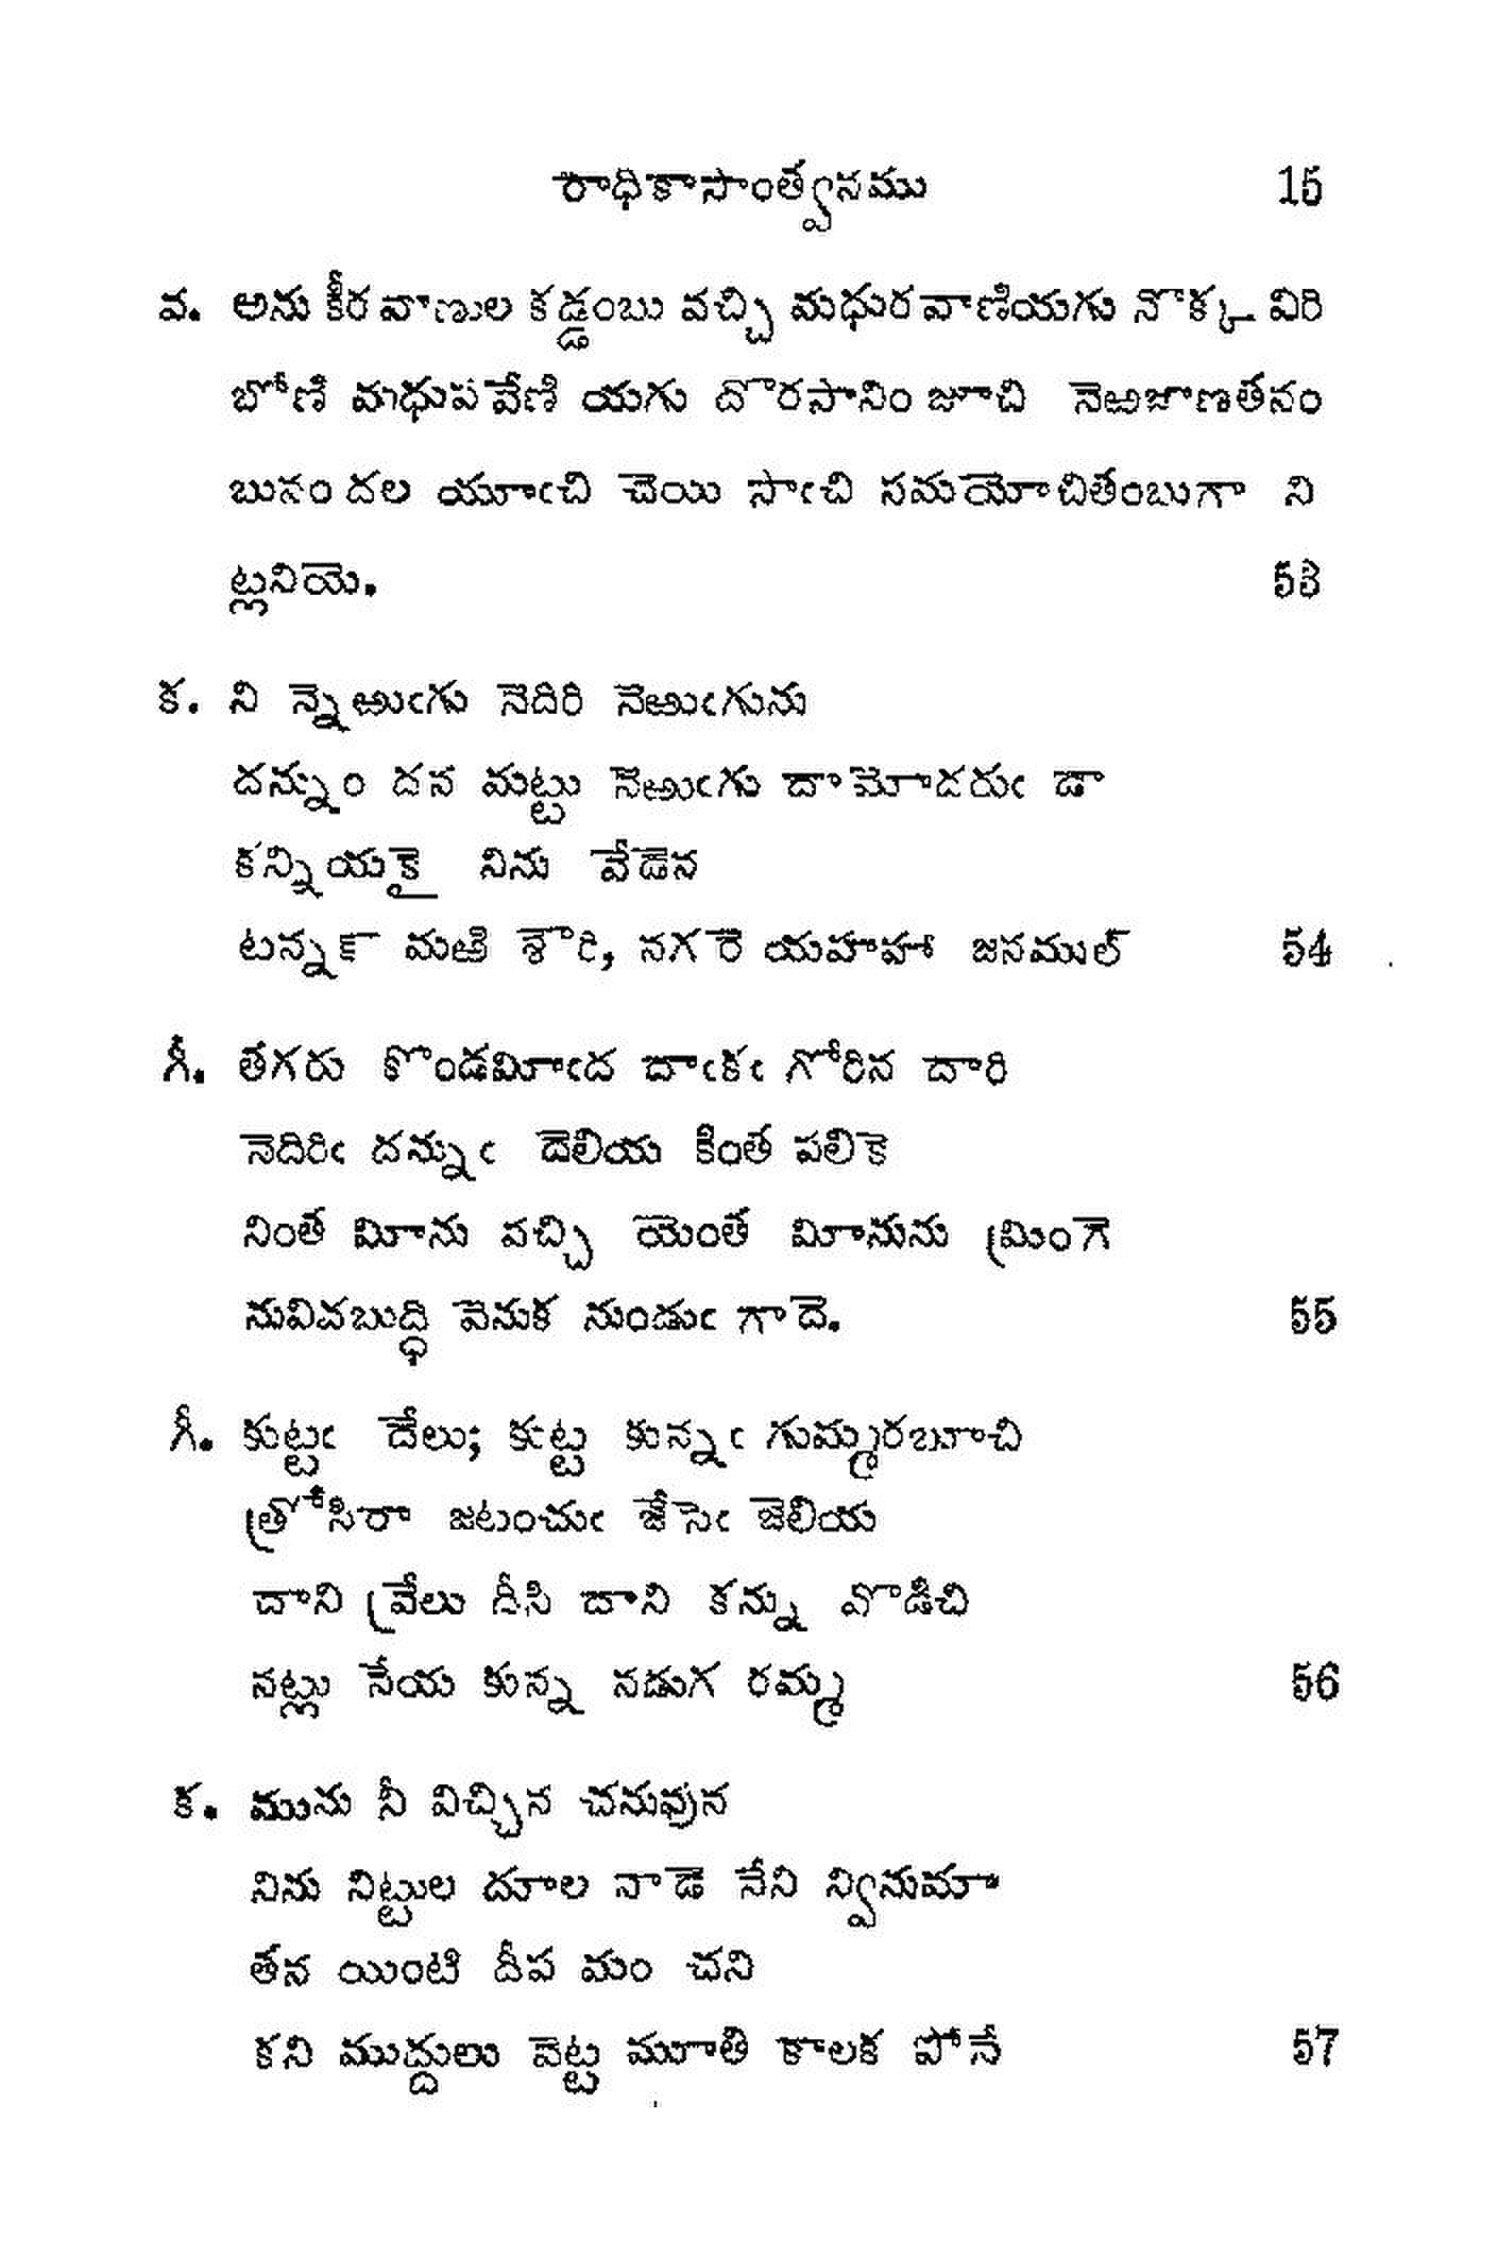వ. అను కీరవాణుల కడ్డంబు వచ్చి మధురవాణియగు నొక్క విరిబోణి మధుపవేణి యగు దొరసానిం జూచి నెఱజాణతనంబునం దల యూఁచి చెయి సాంచి సమయోచితంబుగా నిట్లనియె. 53

క. నిన్నెఱుఁగు నెదిరి నెఱుఁగును
దన్నుం దన మట్టు నెఱుఁగు దామోదరుఁ డా
కన్నియకై నిను వేడె న
టన్నన్ మఱి శౌరి, నగరె యహహా జనముల్. 54

గీ. తగరు కొండమీఁద దాఁకఁగోరిన దారి
నెదిరిఁ దన్నుఁ దెలియ కింత పలికె
నింత మీను వచ్చి యెంత మీనును మ్రింగె
నువిదబుద్ధి వెనుక నుండుఁ గాదె. 55

గీ. కుట్టఁ దేలు; కుట్టకున్నఁ గుమ్మరబూచి
త్రోసిరా జటంచుఁ జేసెఁ జెలియ
దాని వ్రేలు దీసి దాని కన్ను వొడిచి
నట్లు సేయకున్న నడుగ రమ్మ. 56

క. మును నీ విచ్చిన చనువున
నిను నిట్టుల దూలనాడెనేని న్వినుమా
తన యింటి దీపమం చని
కని ముద్దులు వెట్ట మూతి కాలకపోనే. 57